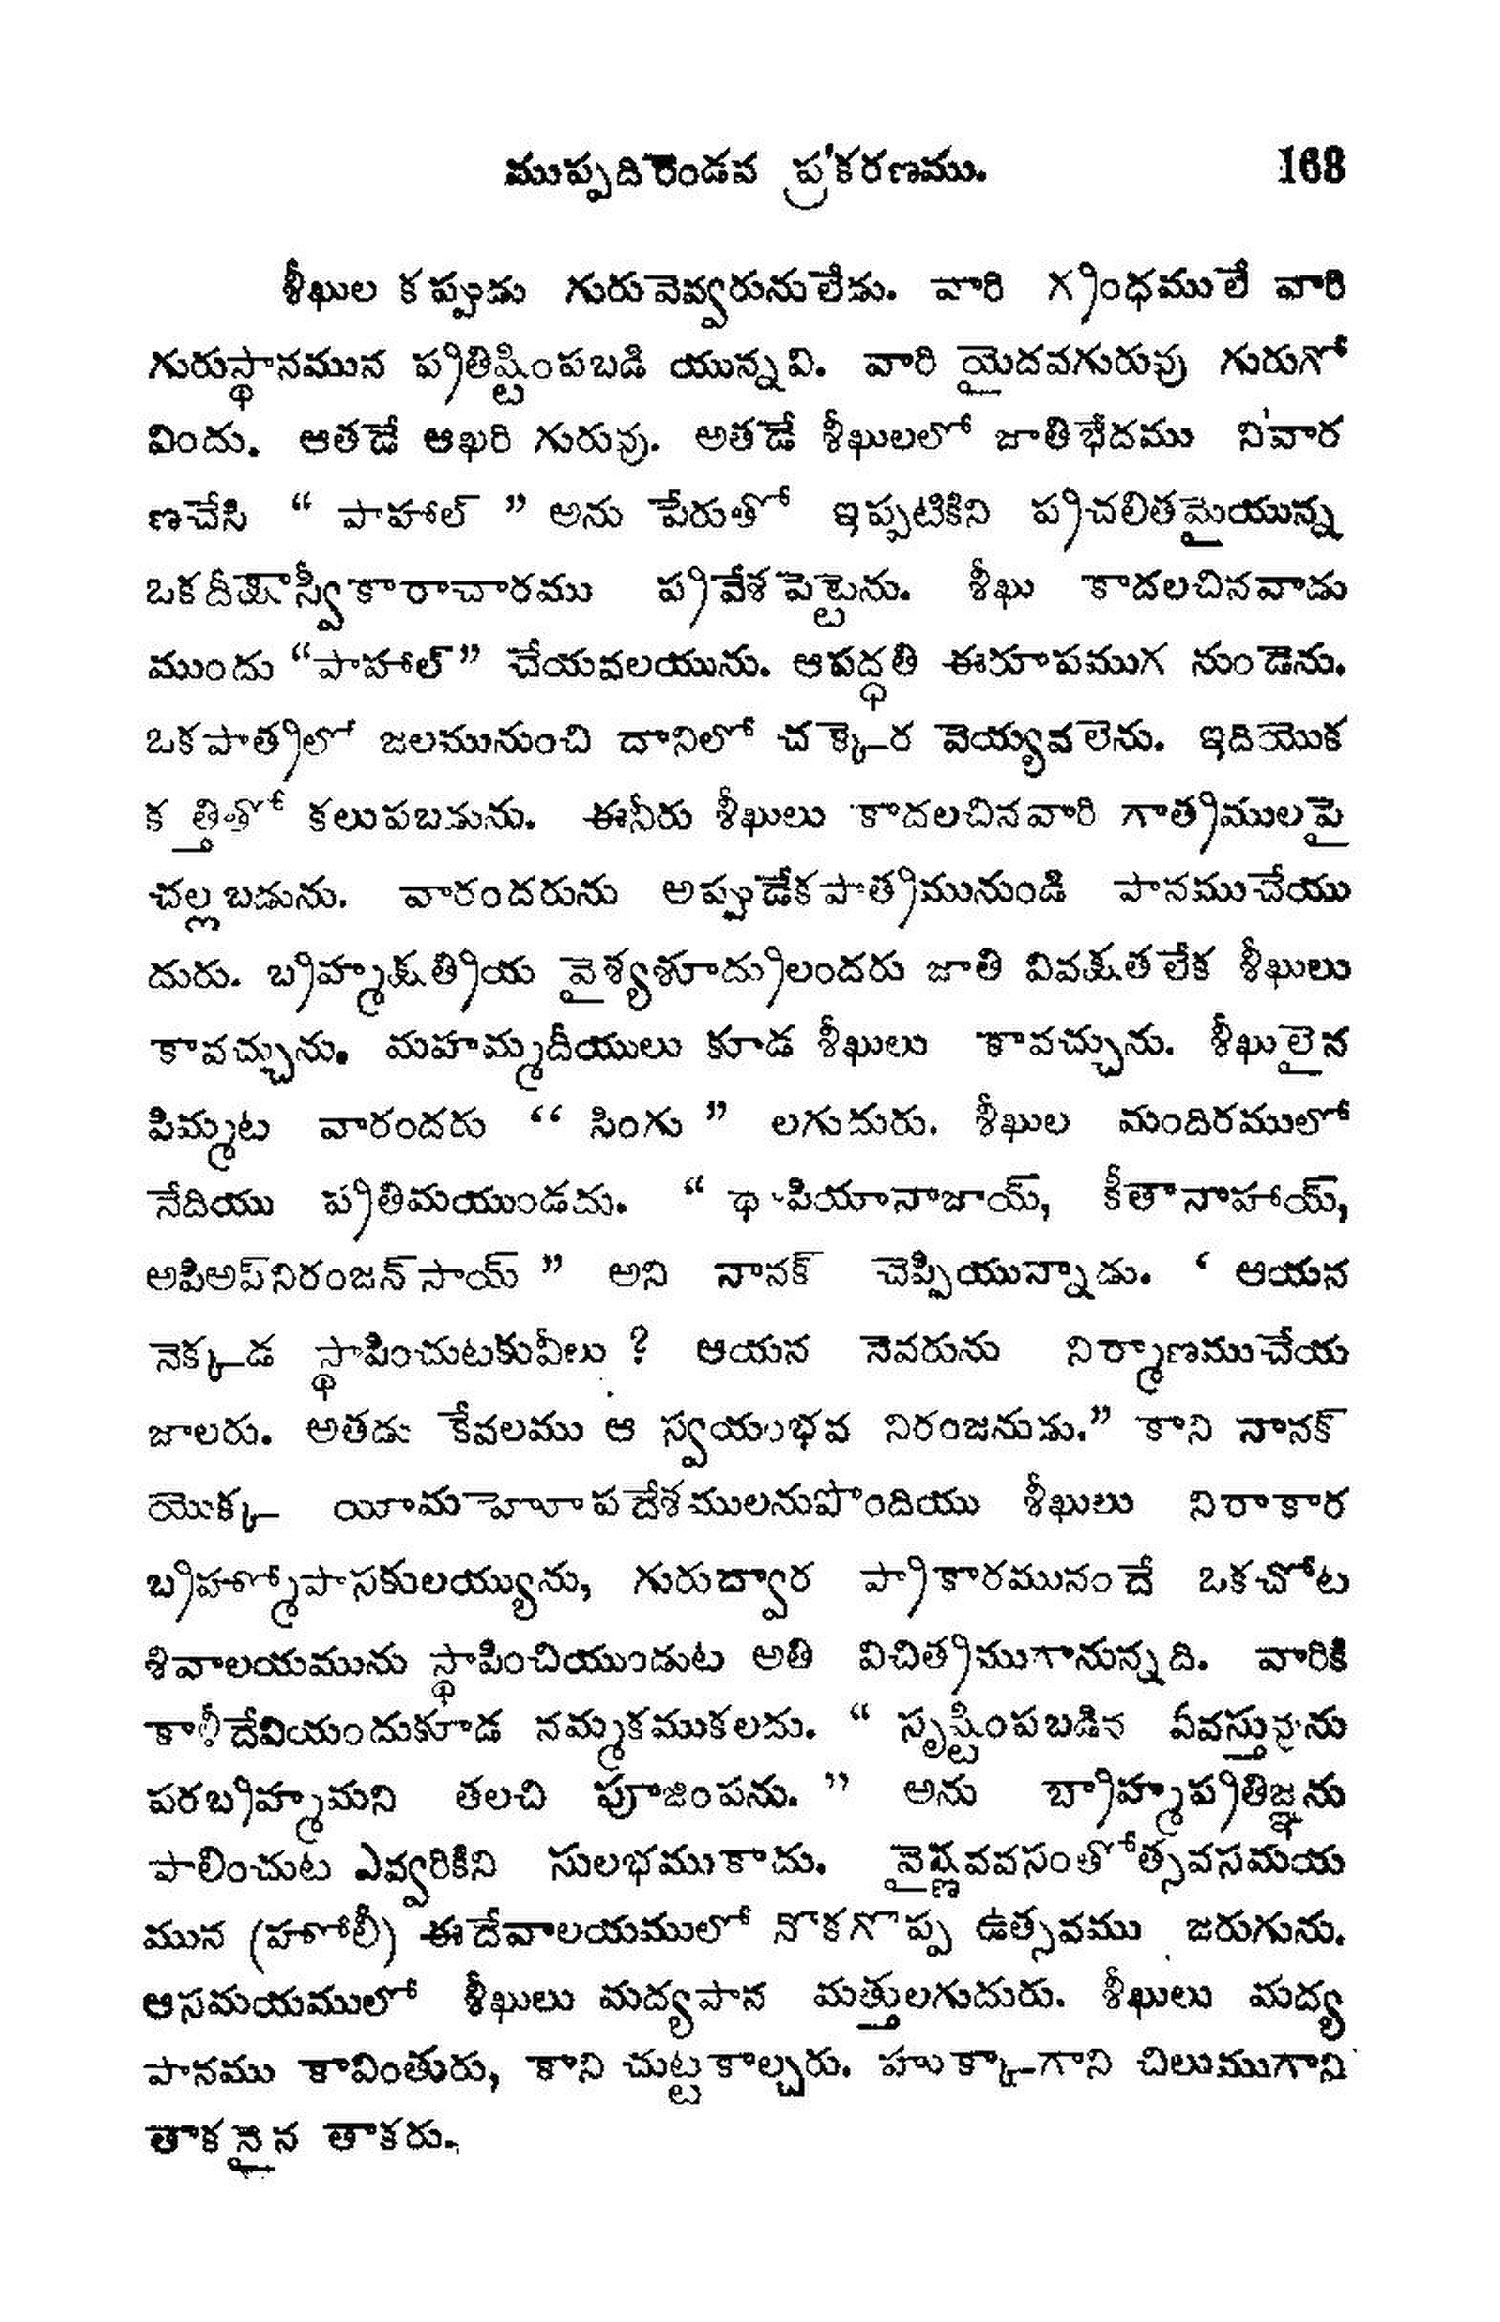శీఖుల కప్పుడు గురువెవ్వరును లేడు. వారి గ్రంధములే వారి
గురుస్థానమున ప్రతిష్టింపబడి యున్నవి. వారి యైదవగురువు గురుగో
విందు. ఆతడే ఆఖరి గురువు. అతడే శీఖులలో జాతి భేదము నివార
పాహాల్ ” అను పేరుతో ఇప్పటికిని ప్రచలితమైయున్నఒక దీక్షా స్వీకా
రాచారము ప్రవేశ పెట్టెను. శీఖు "కాదలచినవాడు ముందు "పాహాల్" చేయ
వలయును. ఆపద్దతి ఈరూపముగ నుండెను. ఒక పాత్రలో జలము నుంచి 
దానిలో చక్కెర వెయ్యవలెను. ఇది యొక కత్తితో కలుపబడును. ఈనీరు
శీఖులు "కాదలచిన వారి గాత్రముల పైచల్ల బడును. వారందరును అప్పుడేక పొత్రమునుండి పానము చేయుదురు. బ్రహ్మక్ష్త్రియ వైశ్యశూద్రులందరు 
జాతి వివక్షత లేక శీఖులుకావచ్చును. మహమ్మదీయులు కూడ శీఖులు 
కావచ్చును. శీఖు లైన పిమ్మట వారందరు "సింగ్" లగుదురు. శీఖుల 
మందిరములోనేదియు ప్రతిమయుండదు. 'దాపియానాజాయ్, కీతాసాహాయ్,
అపి అప్నిరంజన్ సాయ్ "అని నానక్ చెప్పియున్నాడు. ఆయన నెక్కడ స్థాపించుటకు వీలు ? ఆయన నెవరును నిర్మాణము చేయజాలరు. అతడు కేవలము ఆ స్వయుభవ నిరంజనుడు.” కాని నానక్ యొక్క యీమహోపదేశములను పొందియు శీఖులు
నిరాకారబ్రాహ్మోపాసకులయ్యును, గురుద్వార ప్రాకారమునందే ఒక చోట
శివాలయమును స్థాపించి యుండుట అతి విచిత్రముగానున్నది. వారికి
కాళీ దేవియందుకూడ నమ్మకముకలదు. సృష్టింపబడిన ఏవస్తువును
పరబ్రహ్మమని తలచి పూజింపను. "అను బాహ్మప్రతిజ్ఞనుపాలించుట ఎవ్వరికిని సులభము కాదు. వైష్ణవవసంతోత్సవ సమయమున (హోలీ) ఈ దేవాలయములో నొక గొప్ప ఉత్సవము జరుగును.ఆ సమయములో శీఖులు మద్యపాన మత్తులగుదురు. శీఖులు మద్యపానము కావింతురు, కాని చుట్ట కాల్చరు. హుక్కా గాని చిలుముగాని తాకనైనన తాకరు.

"

“